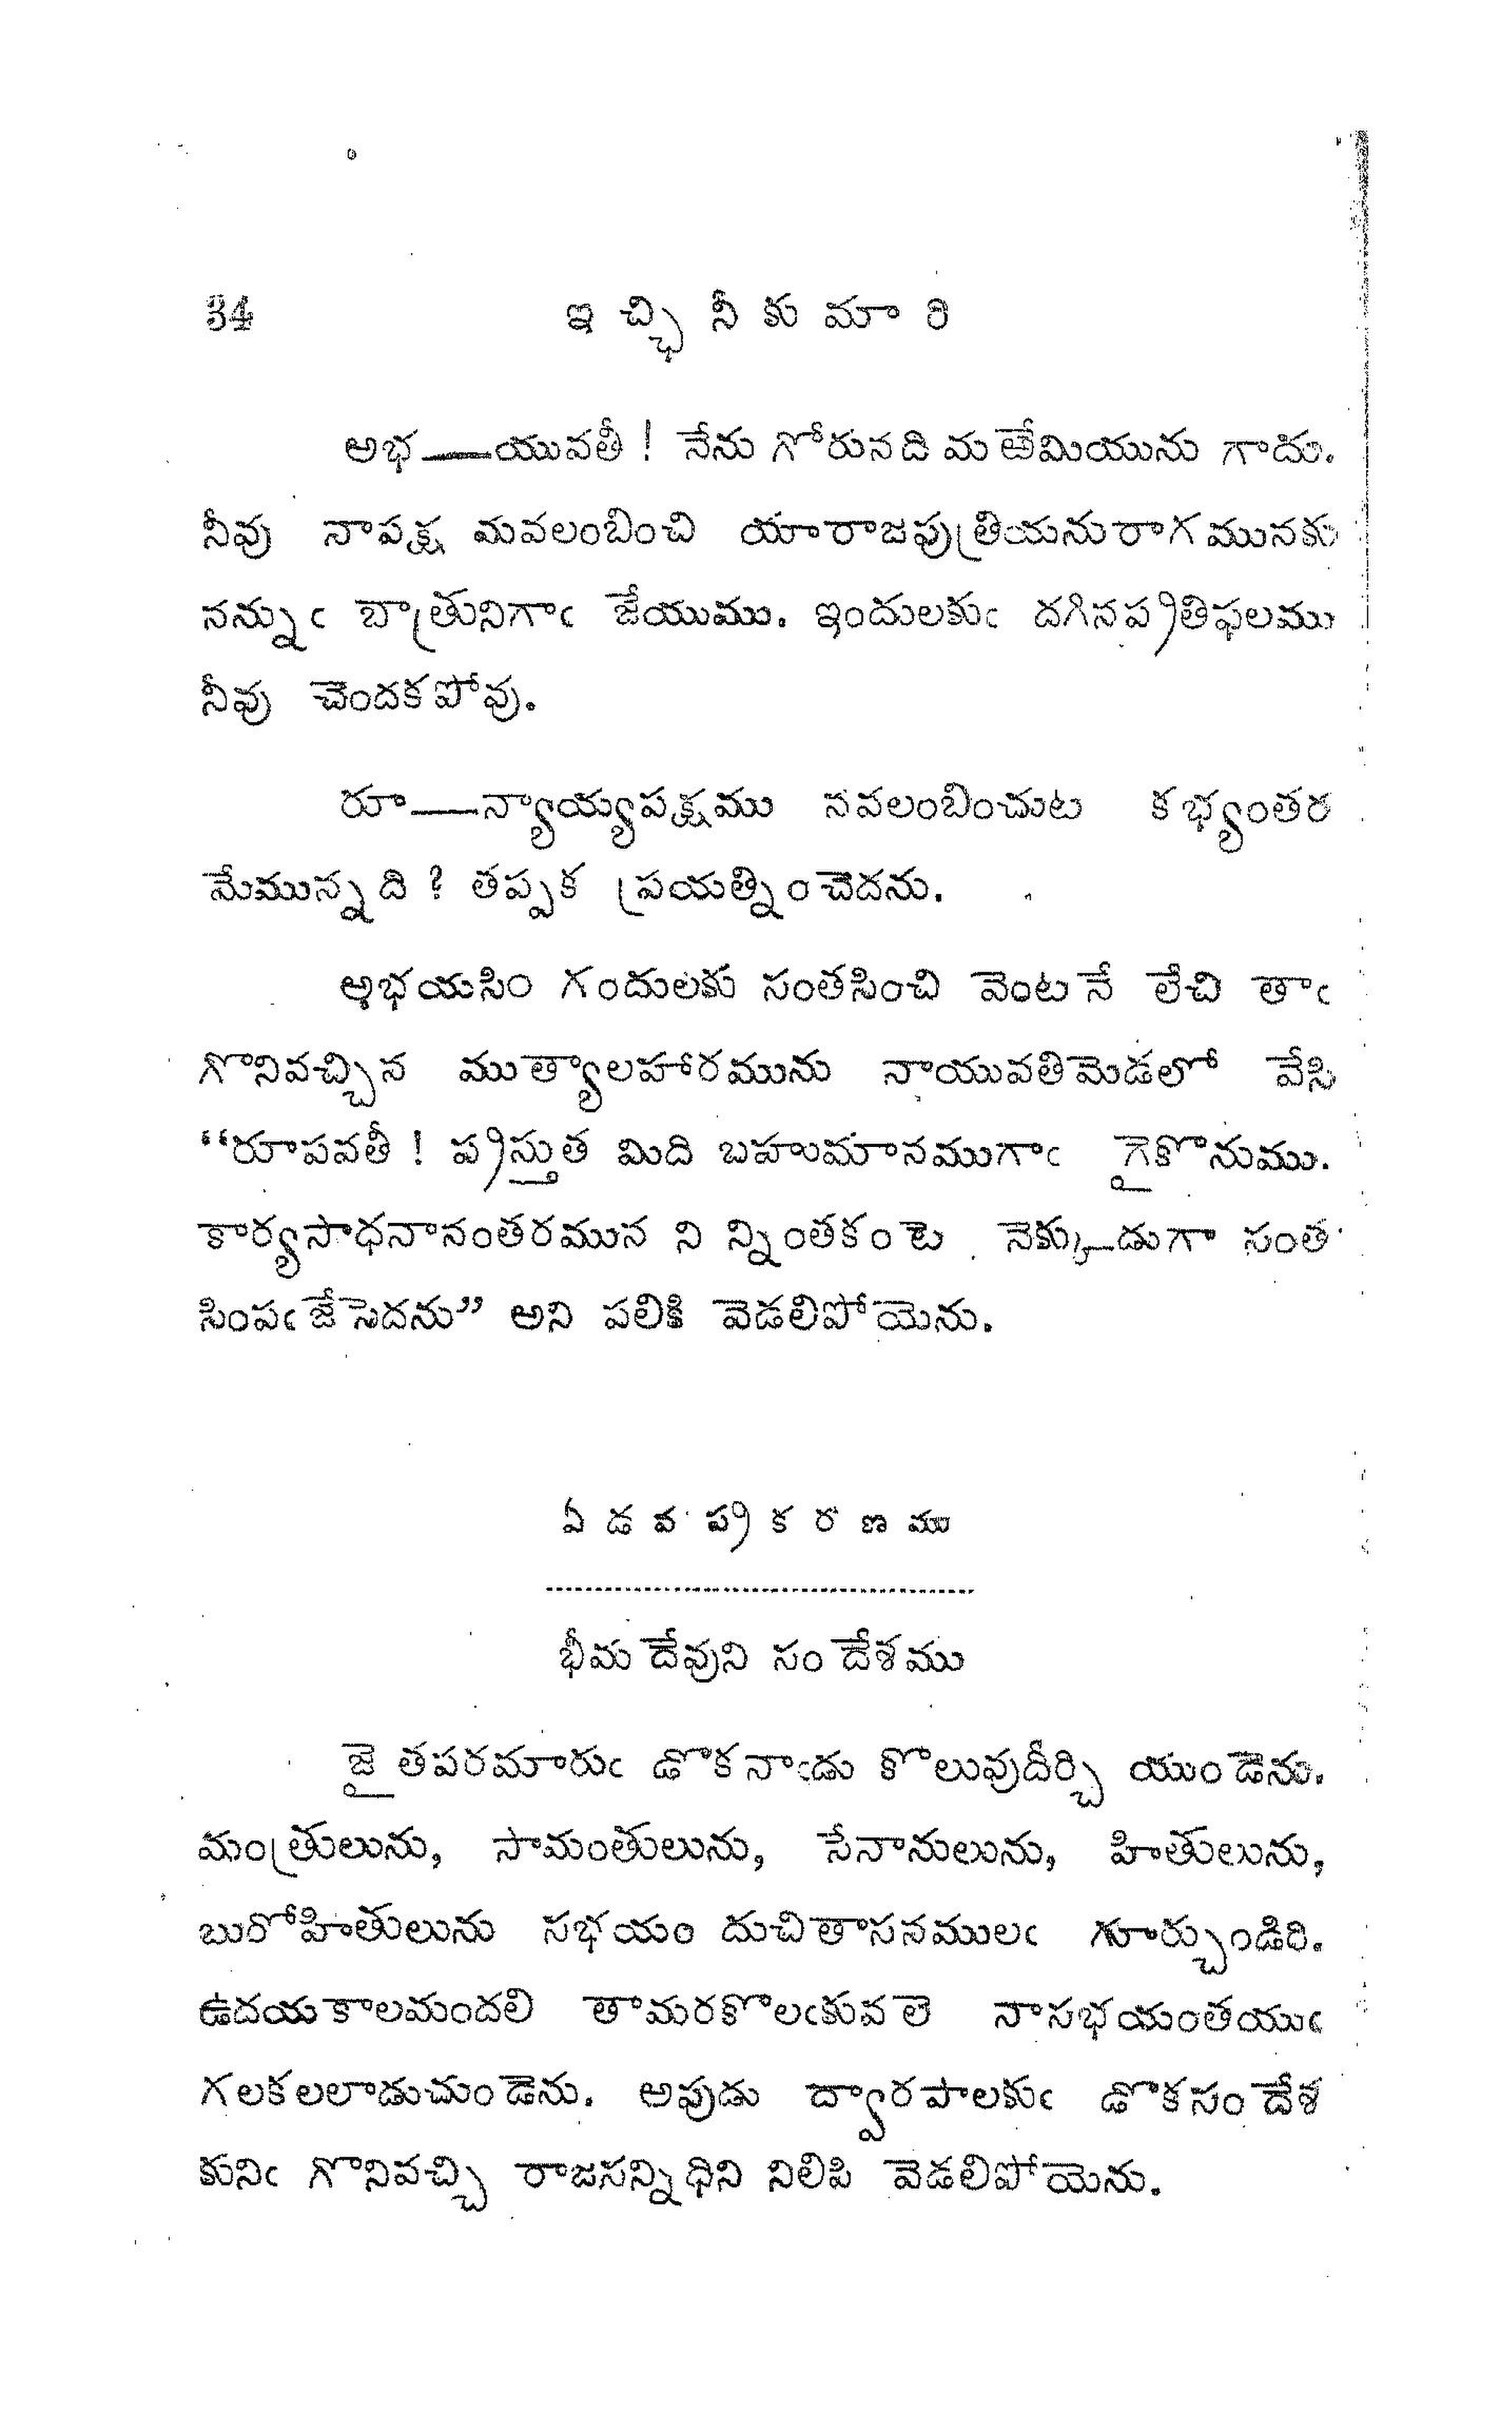అభ---యువతీ ! నేను గోరునది మేమియును గాదు. నీవు నాపక్ష మవలంబించి యారాజపుత్రియును రాగమునకు నన్నుఁ బాత్రునిగాఁ జేయుము. ఇందులకుఁ దగిన ప్రతిఫలము నీవు చెందకపోవు.

రూ- న్యాయ్యపక్షము నవలంబించుట కభ్యంతర మేమున్నది ? తప్పక ప్రయత్నించెదను. అభయసిం గందులకు సంతసించి వెంట నే లేచి తాఁ గొనివచ్చిన ముత్యాలహారమును నాయువతి మెడలో వేసి “రూపవతీ ! ప్రస్తుత మిది బహుమానముగాఁ గైకొనుము. కార్యసాధనానంతరమున నిన్నింతకంటె . నెక్కుడుగా సంత సింపఁ జేసెదను” అని పలికి వెడలిపోయెను.

జై తపరమారుఁ డొక నాఁడు కొలువుదీర్చి యుండెను. మంత్రులును, సామంతులును, సేనానులును, హితులును, బురోహితులును సభయందుచి తాసనములఁ గూర్చుండిరి. ఉదయ కాలమందలి తామరకొలఁకువలె నాసభయంతయుఁ గలక లలాడుచుండెను. అపుడు ద్వారపాలకుఁ డొకసం దేశ కునిఁ గొనివచ్చి రాజసన్నిధిని నిలిపి వెడలిపోయెను.